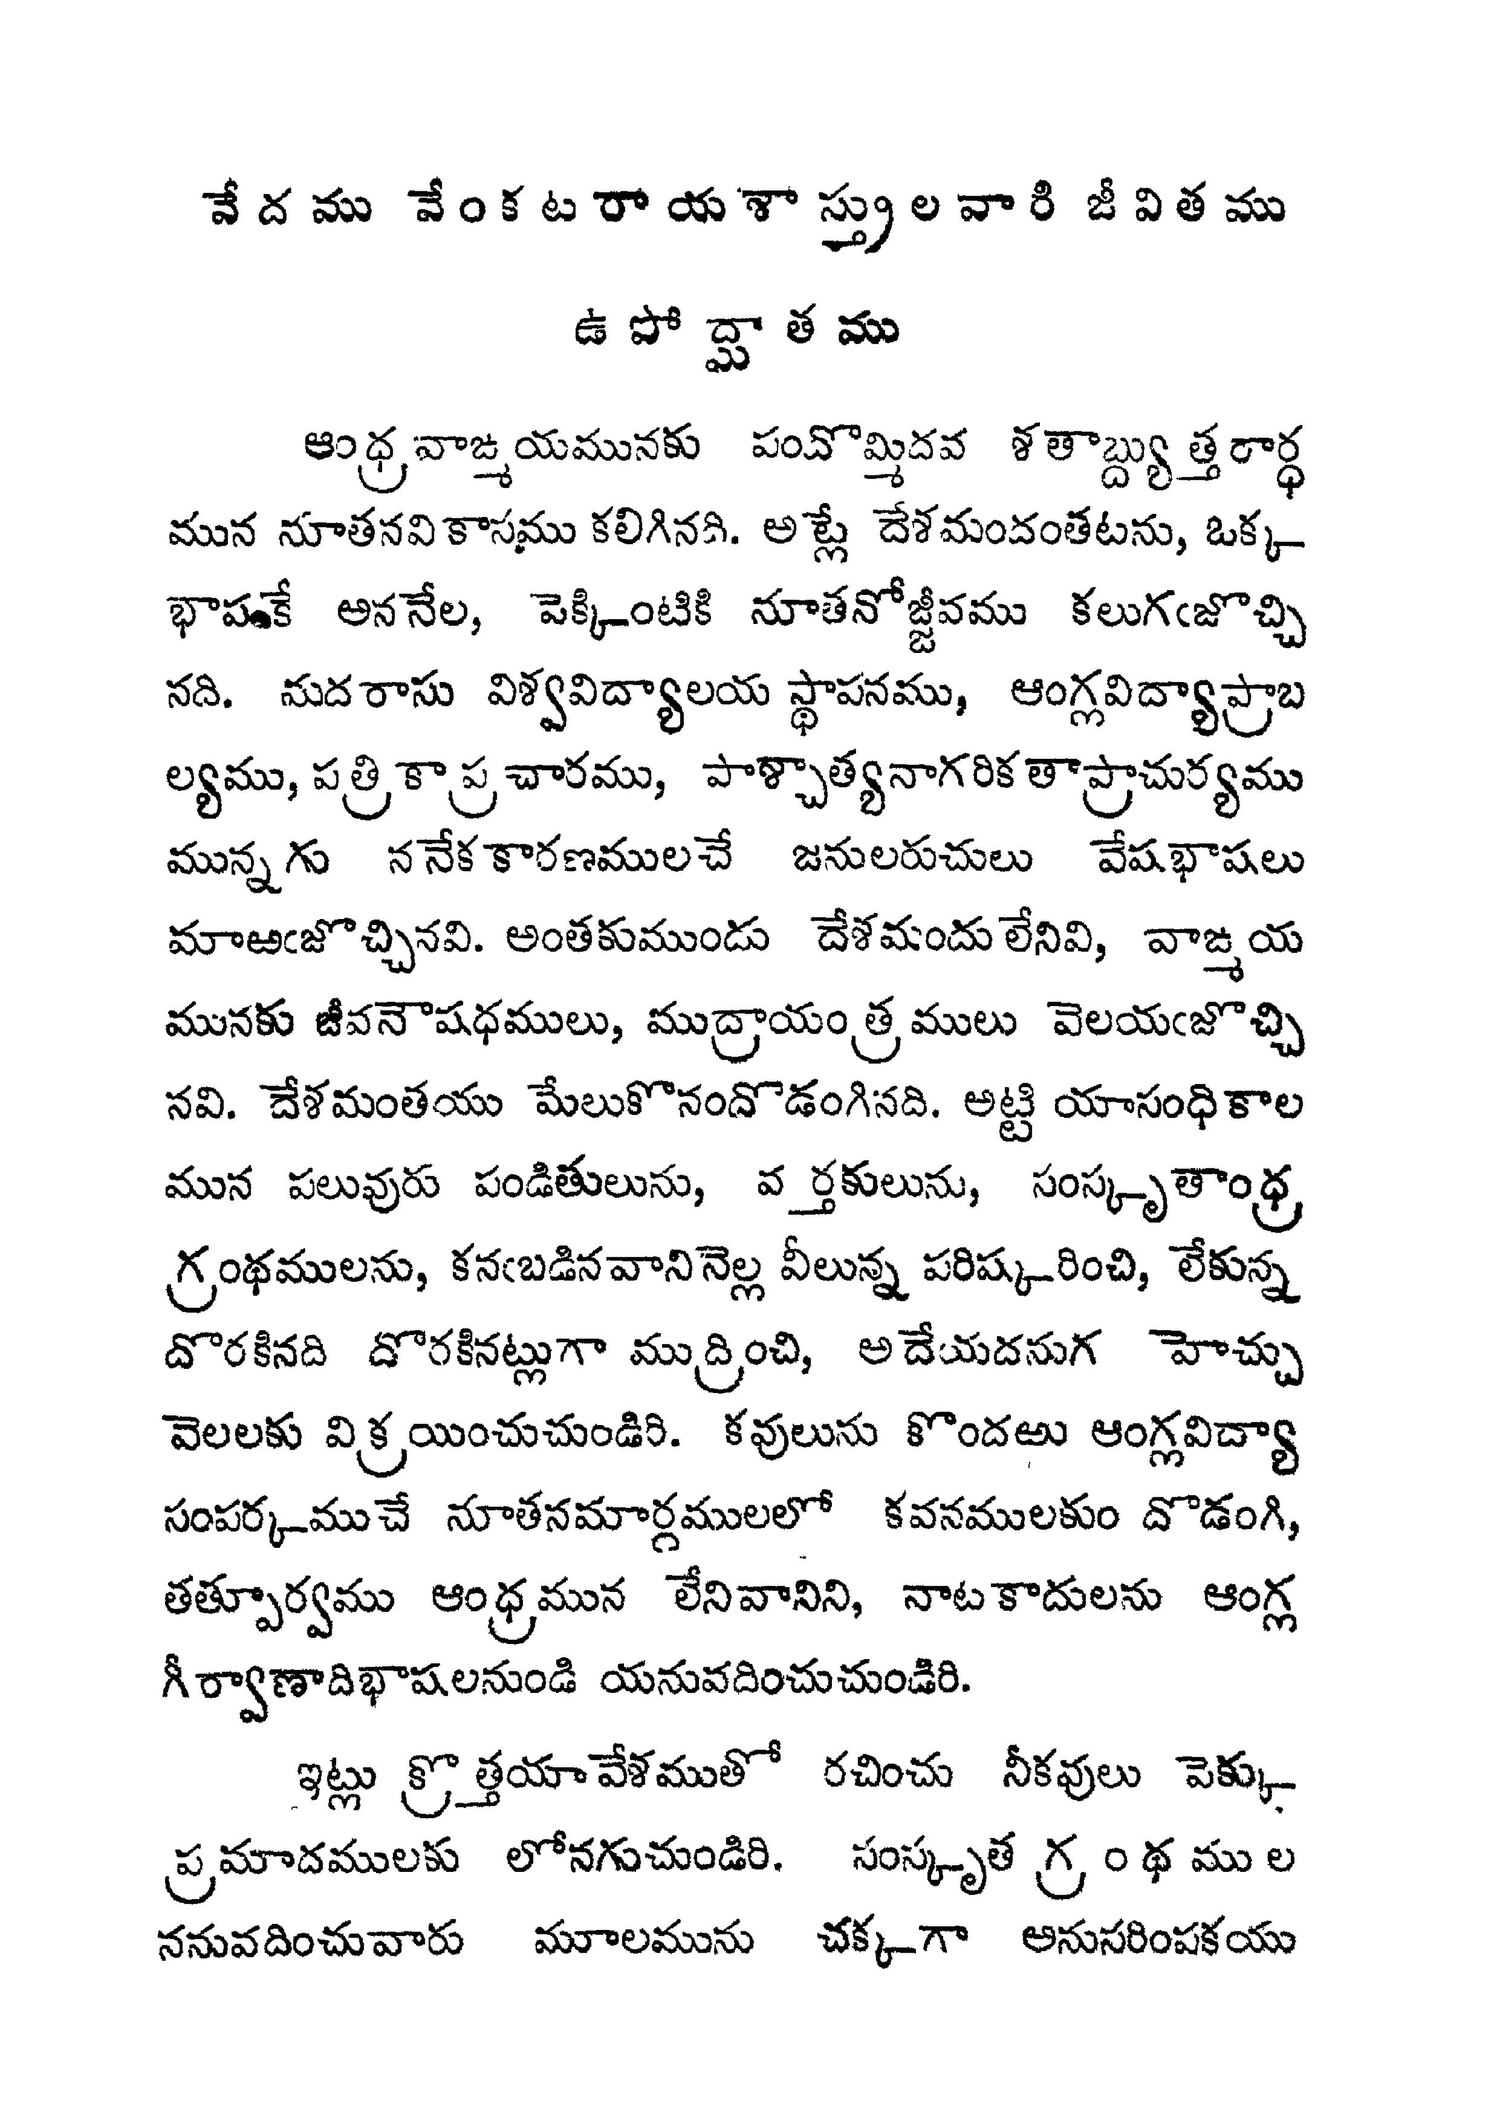ఆంధ్ర వాఙ్మయమునకు పందొమ్మిదవ శతాబ్ద్యుత్తరార్ధమున నూతనవికాసము కలిగినది. అట్లే దేశమందంతటను, ఒక్క భాషకే అననేల, పెక్కింటికి నూతనోజ్జీవము కలుగజొచ్చినది. మదరాసు విశ్వవిద్యాలయ స్థాపనము, ఆంగ్లవిద్యాప్రాబల్యము, పత్రికాప్రచారము, పాశ్చాత్యనాగరికతాప్రాచుర్యము మున్నగు ననేకకారణములచే జనులరుచులు వేషభాషలు మాఱజొచ్చినవి. అంతకుముందు దేశమందులేనివి, వాఙ్మయమునకు జీవనౌషధములు, ముద్రాయంత్రములు వెలయజొచ్చినవి. దేశమంతయు మేలుకొనందొడంగినది. అట్టి యాసంధికాలమున పలువురు పండితులును, వర్తకులును, సంస్కృతాంధ్ర గ్రంథములను, కనబడినవానినెల్ల వీలున్న పరిష్కరించి, లేకున్న దొరకినది దొరకినట్లుగా ముద్రించి, అదేయదనుగ హెచ్చు వెలలకు విక్రయించుచుండిరి. కవులును కొందఱు ఆంగ్లవిద్యా సంపర్కముచే నూతనమార్గములలో కవనములకుం దొడంగి, తత్పూర్వము ఆంధ్రమున లేనివానిని, నాటకాదులను ఆంగ్ల గీర్వాణాదిభాషలనుండి యనువదించుచుండిరి.

ఇట్లు క్రొత్తయావేశముతో రచించు నీకవులు పెక్కు ప్రమాదములకు లోనగుచుండిరి. సంస్కృత గ్రంథముల ననువదించువారు మూలమును చక్కగా అనుసరింపకయు